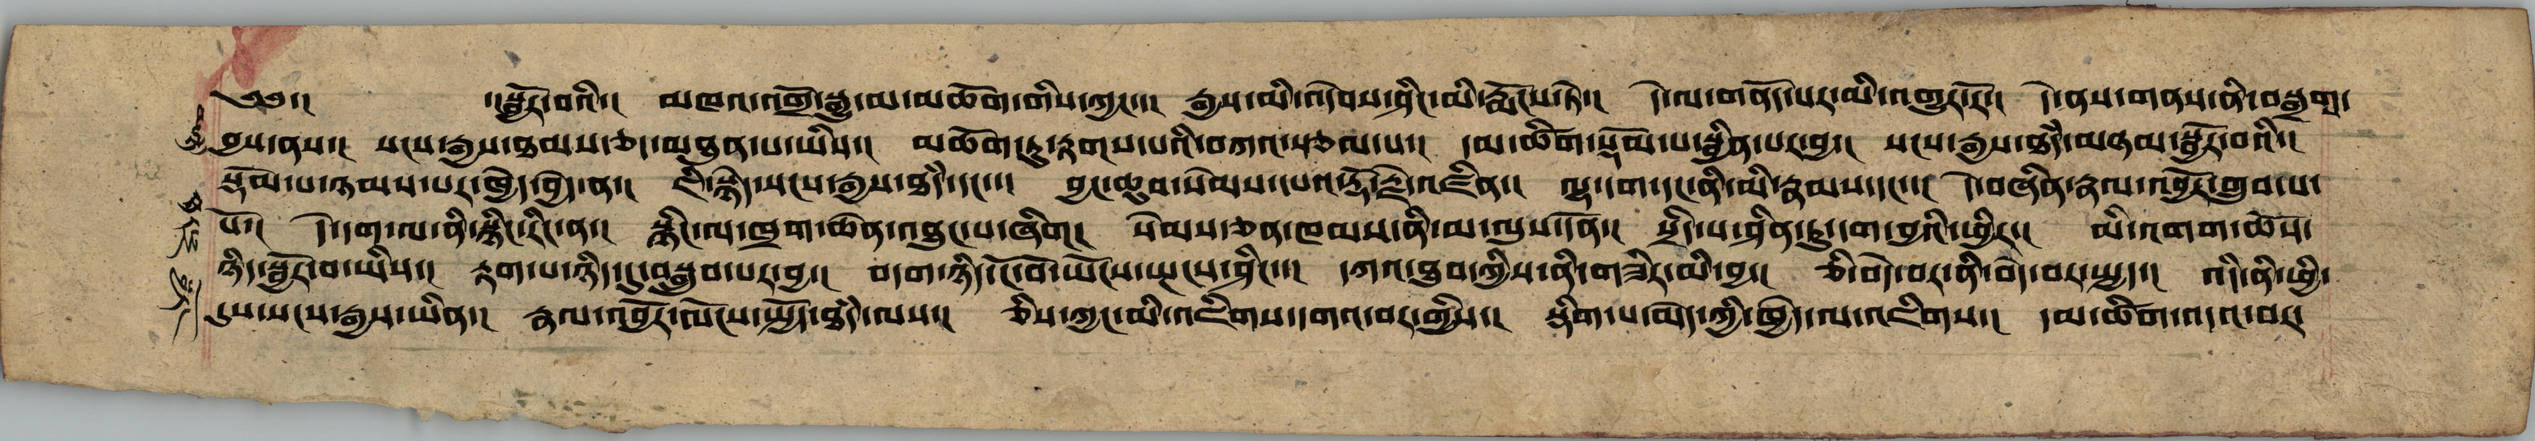༄༅་། ་།སྦྱོར་བའི་། མཁའ་འགྲོ་སྒྱུ་མ་མཆོག་གིས་ཀྱང་་། རྒྱུས་མི་འདེབས་ཤིང་མི་རྨོངས་ཏེ་། དེ་ལ་གནོད་པར་མི་འགྱུར་རོ་། དེ་ནས་གནས་ནི་བསྒྲག་
བྱས་ནས་། སངས་རྒྱས་ཐམས་ཅད་མཐུན་པ་ཡིས་། མཆོག་ཏུ་རྟགས་པའི་བཀའ་སྩལ་པ་། དམ་ཚིག་སྡོམ་པ་སྦྱིན་པར་བྱ་། སངས་རྒྱས་ཐཾད་མཉམ་སྦྱོར་བའི་།
སྡོམ་པ་ཉམས་པར་ཁྱེད་བྱེད་ན་། ཇི་སྙེད་སངས་རྒྱས་ཐཾད་དང་་། བྱང་ཆུབ་སེམས་དཔའ་རྡོ་རྗེ་འཛིན་། ལྷ་དག་དང་ནི་མི་རྣམས་དང་་། དེ་བཞིན་རྣལ་འབྱོར་གྲུབ་པ་
པོ་། དེ་དག་ལ་ནི་སྙིང་རིང་ན་། སྙིང་ལ་ཁྲག་ཆེན་འབྱུང་པ་ཞིག། སེམས་ཅན་ཁམས་ནི་མ་ལུས་དོན་། སྲིད་པ་ཤིན་ཏུ་དག་བྱའི་ཕྱིར་། མི་འགག་ཆོས་
ཉིད་སྦྱོར་བ་ཡིས་། རྟག་པ་ཉིད་དུ་བསྒྲུབ་པར་བྱ་། བདག་ཉིད་ངོ་བོ་ཡོངས་སྤངས་ཤིང་་། དཀའ་ཐུབ་ཀྱིས་ནི་གཟིར་མི་བྱ་། ཅི་བདེ་བར་ནི་བདེ་བར་སྤྱད་། འདི་ནི་ཕྱི་
དུས་སངས་རྒྱས་ཡིན་། རྣལ་འབྱོར་ལོངས་སྤྱོད་ཐཾད་ལས་། ཅིས་ཀྱང་མི་འཇིགས་དགའ་བར་གྱིས་། སྡིག་པ་མེད་ཀྱི་ཁྱེད་ལ་འཇིགས་། དམ་ཚིག་འདའ་བར་